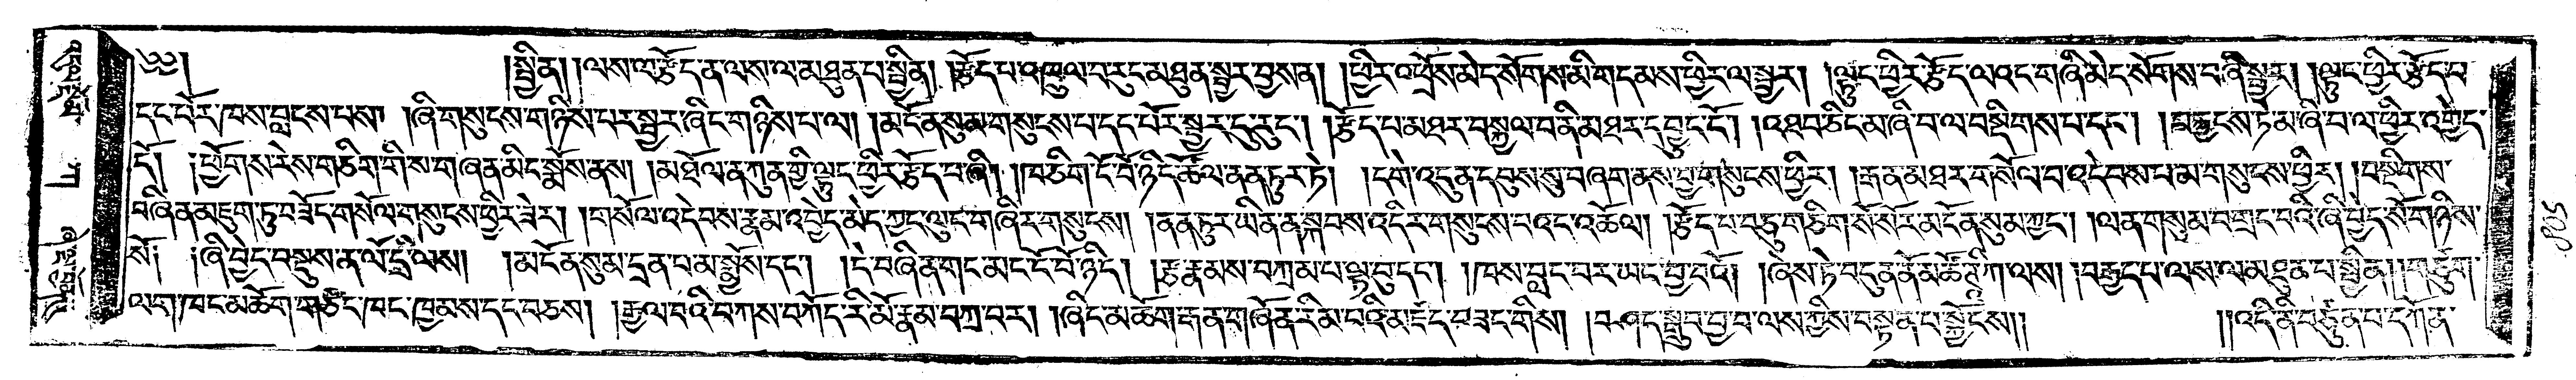༄༅། །སྦྱིན། །ལས་ལ་བརྩོད་ན་ལས་ལ་མཐུན་པ་སྦྱིན། །རྩོད་པ་འཁྲུལ་བ་རུང་མཐུན་སྦྱར་བྱས་ན། །ཕྱིར་འཕྲོས་མེད་སོགས་མི་གདམས་ཕྱིར་ལ་སྦྱར། །ལྟུང་ཕྱིར་རྩོད་ལའང་གཞི་མེད་སོགས་བཞི་སྦྱར། །ལྟུང་ཕྱིར་རྩོད་པྲ་
དང་པོར་ཁས་བླངས་པས། །ཞི་གསུངས་གཉིས་པར་སྦྱར་ཞིང་གཉིས་པ་ལ། །མངོན་སུམ་གསུངས་པ་དང་པོར་སྦྱར་དུ་རུང་། །རྩོད་པ་མཐར་བསྐྱལ་བ་ནི་མཐར་དབྱུང་ངོ། །འཐབ་ཅིང་མ་ཞི་བ་ལ་བསྡིགས་པ་དང་། །བརྐྱངས་ཏེ་མ་ཞི་བ་ལ་ཕྱིར་འགྱེད་
དོ། །ཕྱོགས་རེས་གཅིག་གིས་གཞན་མིང་སྨོས་ནས། །མཐོལ་ན་ཀུན་གྱི་ལྟུང་ཕྱིར་རྩོད་པ་ཞི། །ཁ་ཅིག་ངོ་བོ་ཉིད་ཚོལ་ནན་ཏུར་ཏེ། །དགེ་འདུན་དབུས་སུ་བཞག་ནས་བྱ་གསུངས་ཕྱིར། །རྒན་མཐར་གསོལ་བ་འདེབས་པ་མ་གསུངས་ཕྱིར། །བསྡིགས་
བཞིན་མཇུག་ཏུ་བཟོད་གསོལ་གསུངས་ཕྱིར་ཟེར། །གསོལ་འདེབས་རྣམ་འབྱེད་མེད་ཀྱང་ལུང་གཞིར་གསུངས། །ནན་ཏུར་ཡིན་ན་སྐབས་འདིར་གསུངས་པའང་འཆོལ། །རྩོད་པ་བཅུ་གཅིག་སོ་སོར་མངོན་སུམ་ཀྱང་། །ལན་གསུམ་བགྲང་བའི་ཞི་བྱེད་སོ་གཉིས་
སོ༑ ༑ཞི་བྱེད་བསྡུས་ན་ལོ་དྲི་ལས། །མངོན་སུམ་དྲན་པ་མ་སྨྱོས་དང་། །དེ་བཞིན་གང་མང་ངོ་བོ་ཉིད། །རྩ་རྣམས་བཀྲམ་པ་ལྟ་བུ་དང་། །ཁས་བླང་བར་ཡང་བྱ་བའོ། །ཞེས་ཏེ་བདུན་ནོ་མཚོ་ཊཱིཀ་ལས། །བརྒྱད་པ་ལས་ལ་མཐུན་པ་སྦྱིན། །གཙུག་
ལག་ཁང་མཆོག་གཙང་ཁང་ཁྱམས་དང་བཅས། །རྒྱལ་བའི་བཀས་བཀོད་རི་མོ་རྣམ་བཀྲ་བར། །ཞིང་མཆོག་རྒན་གཞོན་རིམ་པའི་མཛད་བཟང་གིས། །བཤད་སྒྲུབ་བྱ་བ་ལས་ཀྱིས་བསྟན་པ་སྐྱོངས།། །།འདི་ནི་བཙུན་པ་དཀོན་